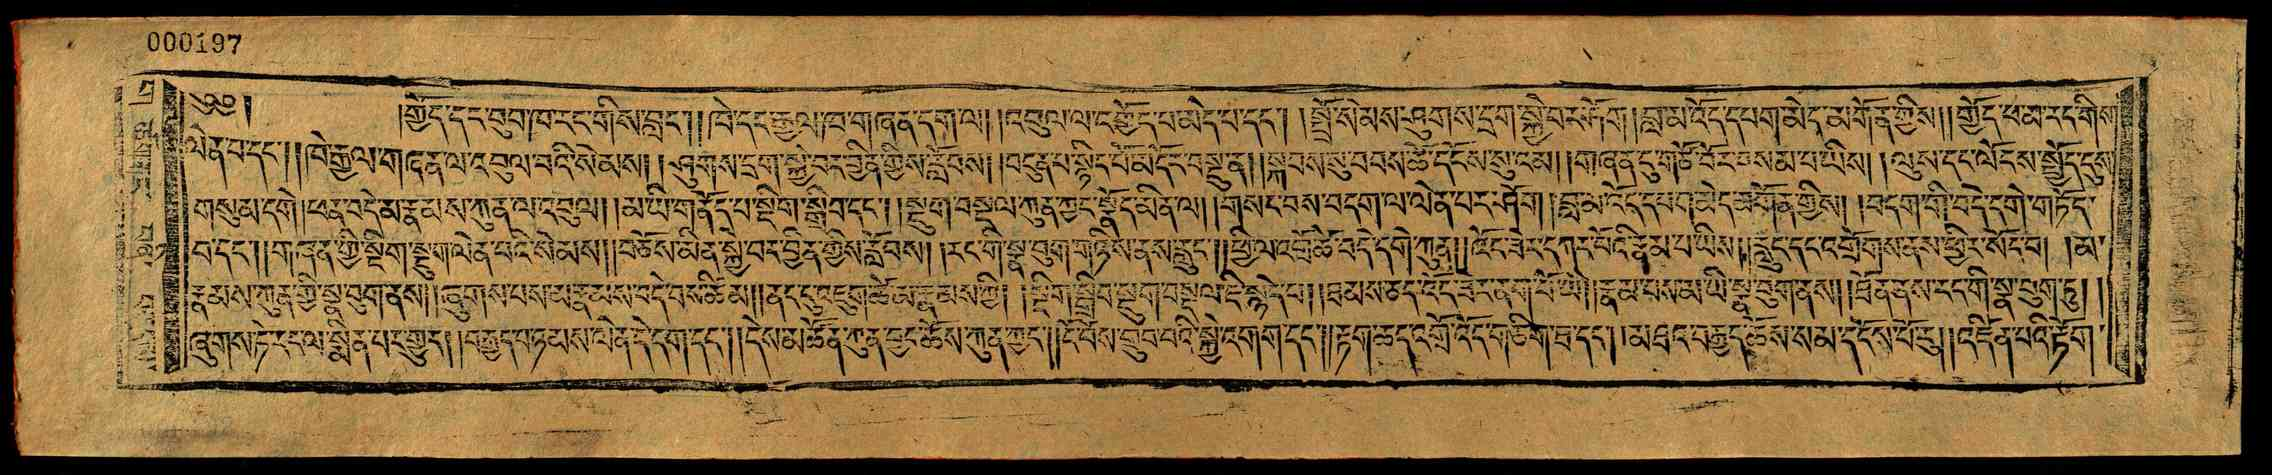༄༅། །གྱོད་དང་བུབ་ཁ་རང་གིས་བླང་། །ཁེ་དང་རྒྱལ་ཁ་གཞན་དག་ལ། །འབུལ་ལ་འགྱོད་པ་མེད་པ་དང་། །སྤྲོ་སེམས་ཤུགས་དྲག་སྐྱེ་བར་ཤོག །བླ་མ་འོད་དཔག་མེད་མགོན་གྱིས། །གྱོང་ཕམ་རང་གིས་
ལེན་པ་དང་། །ཁེ་རྒྱལ་གཞན་ལ་འབུལ་བའི་སེམས། །ཤུགས་དྲག་སྐྱེ་བར་བྱིན་གྱིས་རློབས། ། བདུན་པ་སྙིང་པོ་མདོར་བསྡུ་ན།  །སྐབས་སུ་བབས་ཚེ་དངོས་སུ་འམ། །གཞན་དུ་གཙོ་བོར་བསམ་པ་ཡིས། །ལུས་དང་ལོངས་སྤྱོད་དུས་
གསུམ་དགེ། ཕན་བདེ་མ་རྣམས་ཀུན་ལ་འབུལ། །མ་ཡི་གནོད་པ་སྡིག་སྒྲིབ་དང་། །སྡུག་བསྔལ་ཀུན་ཀྱང་སྟོང་མིན་ལ། །གསང་བས་བདག་ལ་ལེན་པར་ཤོག །བླ་མ་འོད་དཔག་མེད་མགོན་གྱིས། །བདག་གི་བདེ་དགེ་གཏོང་
བ་དང་། །ཞན་གྱི་སྡིག་སྡུག་ལེན་པའི་སེམས། །བཅོས་མིན་སྐྱེ་བར་བྱིན་གྱིས་རློབས། །རང་གི་སྣ་བུག་གཉིས་ནས་རླུང་། །ཕྱི་ལ་འགྲོ་ཚེ་བདེ་དགེ་ཀུན། །འོད་ཟེར་དཀར་པོའི་རྣམ་པ་ཡིས། །རླུང་དང་འགྲོགས་ནས་ཕྱིར་སོང་བ། །མ་
རྣམས་ཀུན་གྱི་སྣ་བུ་གནས། །ཞུགས་པས་མ་རྣམས་བདེ་བས་ཚེམ། །ནང་དུ་འཇུག་ཚེ་མ་རྣམས་ཀྱི། །སྡིག་སྒྲིབ་སྡུག་བསྔལ་ཇི་སྙེད་པ། །ཐམས་ཅད་འོད་ཟེར་ནག་པོ་ཡི། །རྣམ་པས་མ་ཡི་སྣ་བུག་ནས། །ཐོན་ནས་རང་གིས་སྣ་བུག་ཏུ། །
ཞུགས་ཏེ་རང་ལ་སྨོན་པར་གྱུར། །བརྒྱད་པ་ཉམས་ལེན་དེ་དག་དང་། །དེས་མཚོན་ཀུན་བྱང་ཆོས་ཀུན་ཀྱང་། །ངོ་བོས་གྲུབ་པའི་སྐྱེ་འགག་དང་། །རྟག་ཆད་འགྲོ་འོང་གཅིག་ཐོ་དང་། །མཐའ་བརྒྱད་ཆོས་སམ་དངོས་པོ་རུ། །འཛིན་པའི་རྟོག་